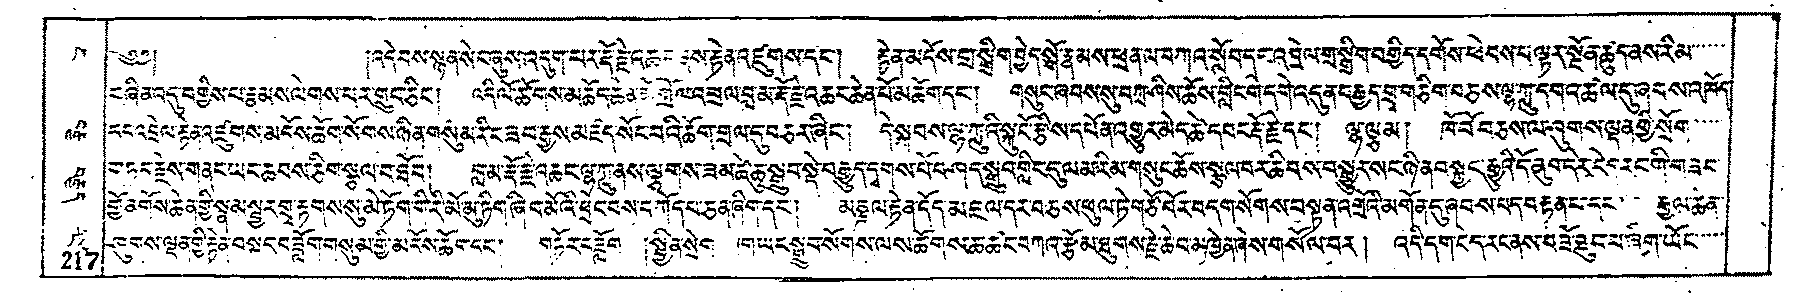༄༅། །འདེབས་སྙན་སེང་ཞུས་འདུག་པར་རྡོ་རྗེ་འཆང་ནས་རྟེན་འཛུགས་དང་། རྟེན་མདོས་གྲ་སྒྲིག་བྱེད་སྒོ་རྣམས་ཕྲན་ལ་བཀའ་སློབ་དང་འབྲེལ་གྲ་སྒྲིག་བགྱིད་དགོས་ཕེབས་པ་ལྟར་སྔོན་ཚུད་ནས་རིམ་
བཞིན་འདུ་བགྱིས་པ་རྣམས་ལེགས་པར་གྲུབ་ཅིང་། འདི་ལོ་ཚོགས་མཆོད་ཆེན་མོ་གྲོལ་འཕྲལ་བླ་མ་རྡོ་རྗེ་འཆང་ཆེན་པོ་མཆོག་དང་། གསུང་ཞབས་སུ་བཀྲ་ཤིས་ཆོས་གླིང་གི་དགེ་འདུན་བརྒྱད་གྲྭ་གཅིག་བཅས་ལྷ་ཀླུ་དགའ་ཚལ་དུ་ཞབས་འཁོད་
དང་འབྲེལ་རྟེན་འཛུགས་མདོས་ཆོག་སོགས་ཉིན་གསུམ་རིང་ཟབ་རྒྱས་མཛད་སོང་བའི་ཆོག་གྲལ་དུ་བཅར་ཞིང་། དེ་སྐབས་ལྷ་ཀླུའི་སྐུ་ངོ་རྩིས་དཔོན་འགྱུར་མེད་ཚེ་དབང་རྡོ་རྗེ་དང་། ལྷ་ལྕམ། ཁོ་བོ་བཅས་ལ་ཤུགས་ལྡན་གྱི་སྲོག་
གཏད་རྗེས་གནང་ཡང་ཆབས་ཅིག་སྩལ་བ་ཐོབ། བླ་མ་རྡོ་རྗེ་འཆང་ལྷ་ཀླུ་ནས་ལྕགས་ཟམ་ཚེ་ཆུ་སྒྲུབ་སྡེ་བརྒྱུད་དྭགས་པོ་བཤད་སྒྲུབ་གླིང་དུ་ལམ་རིམ་གསུང་ཆོས་སྩལ་བར་ཆིབས་བསྒྱུར་སང་ཉིན་བསྐྱང་རྒྱུའི་དོ་ནུབ་དེར་ངེད་རང་གི་གཟབ་
གྱོན་གོས་ཆེན་གྱི་སྣམ་སྦྱར་གྲྭ་རྟགས་སུ་མེ་ཏོག་གི་རི་མོ་མུ་ཏིག་ཞིབ་མོའི་ཕྲེང་བས་བཀོད་པ་ཅན་ཞིག་དང་། མཎྜལ་རྟེན་དོད་མཇལ་དར་བཅས་ཕུལ་ཏེ་གཙོ་བོར་བདག་སོགས་བསྟན་འགྲོའི་མགོན་དུ་ཞབས་པད་བརྟན་པ་དང་། རྒྱལ་ཆེན་
ཤུགས་ལྡན་གྱི་རྟེན་བསྐང་བཟློག་གསུམ་གྱི་མདོས་ཆོག་དང་། གཏོར་བཟློག །སྦྱིན་སྲེག །གཡང་སྒྲུབ་སོགས་ལས་ཚོགས་ཆ་ཚང་བཀའ་རྩོམ་ཐུགས་རྗེ་ཆེ་བ་མཁྱེན་ཞེས་གསོལ་བར། འདི་དག་ངེད་རང་ནས་བཟོ་ཐུབ་པ་ཞིག་ཡོང་